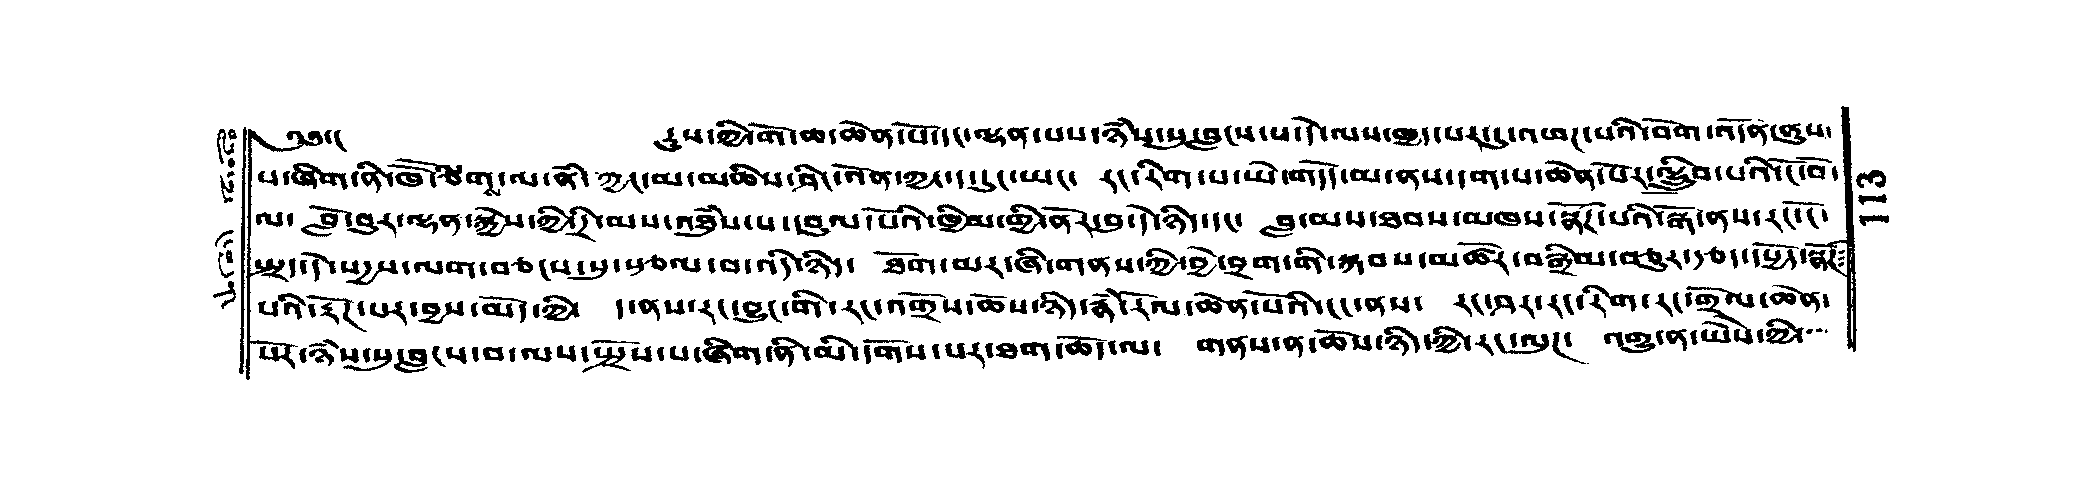རུས་ཀྱི་གོ་ཆ་ཆེན་པོ་དང་1$1000220ལྡན་པས་ཉམས་སུ་བླངས་པ་དེ་ལས་ཁྱད་པར་དུ་འཕགས་པའི་བོགས་འདོན་ནུས་
པ་ཞིག་ནི་ཁོ་བོ་ཅག་ལ་ནམ་ཡང་མ་མཆིས་ཤིང་འོན་ཀྱང་ད་དུང་ཡང་། རང་རིག་པ་ཡེ་གདོད་མ་ནས་དག་པ་ཆེན་པོར་ལྷུན་གྱིས་གྲུབ་པའི་ངོ་བོ་
ལ། བློ་བུར་ལྷན་སྐྱེས་ཀྱི་དྲི་མས་འཐུམས་པ་དབུལ་པོའི་ཁྱིམ་གྱི་ནོར་བུ་དེ་ཉིད་1$1000180དང་། བླ་མས་ཐབས་མཁས་སྣ་ཚོགས་པའི་སྒོ་ནས་རང་ངོ་
སྤྲད་དེ་སངས་རྒྱས་ལག་བཅངས་སུ། རྩལ་བ་འདི་ཉིད། ཐོག་མར་ཞི་གནས་ཀྱི་བྱེ་བྲག་གི་སྐབས་མཚོར་བསྒྲིམ་བཅུར་རྩད་དཔྱོད་སྣ་ཚོགས་
པས་རྟོགས་པར་བྱས་མོད་ཀྱི། ད་ནས་རང་བྱུང་གི་རང་འགྲོས་ཆོས་ཉིད་རྣམ་རོལ་ཆེན་ཆེནཔོའི་ངང་ནས། རང་ཤར་རང་རིག་རང་གྲོལ་ཆེན་
པོར་ཉམས་སུ་བླང་བ་ལས་སྤྲོས་པ་ཞིག་ནི་མི་དགོས་པར་ཐག་ཆོད་ལ། གནས་ན་ཆོས་ཉིད་ཀྱི་རང་ལུགས། འགྱུ་ན་ཡེ་ཤེས་ཀྱི་